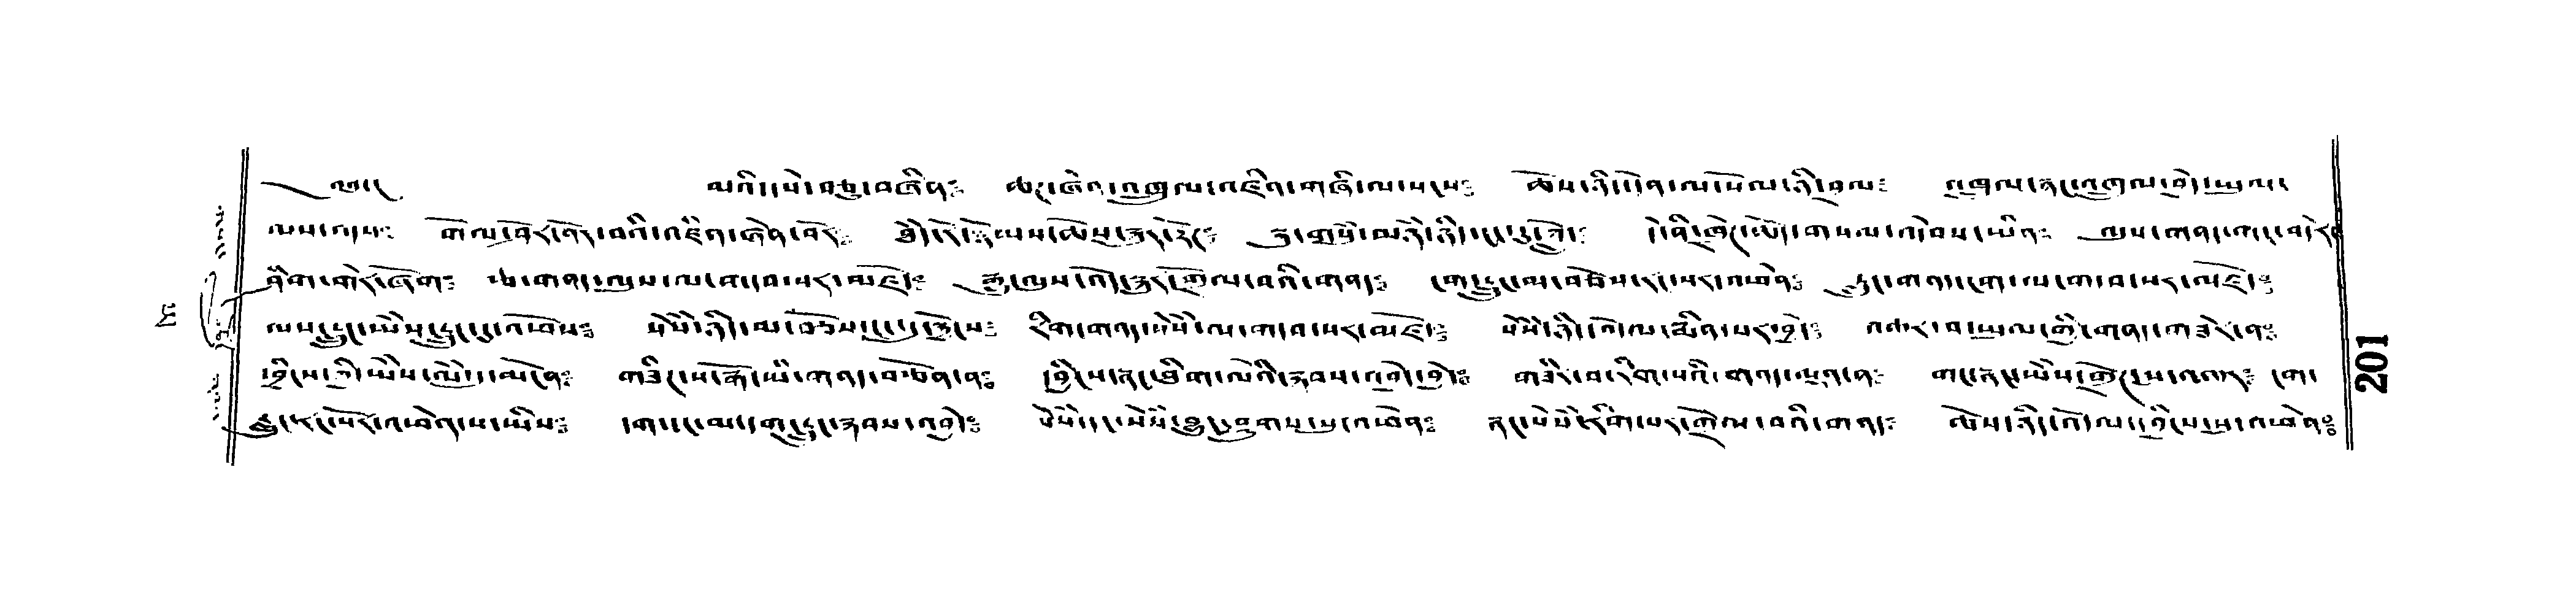མའི་དཔེ་བཅུ་བཞིན༔ ཆགས་ཞེན་འཁྲུལ་འཛིན་གཞི་ལ་སངས༔ ཆོས་ཉིད་དོན་ལ་སོམ་ཉི་བྲལ༔ འཁྲུལ་སྣང་འཁྲུལ་བྱེད་ཡུལ་
ལས་འདས༔ གོལ་ཤོར་ནོར་བའི་འཛིན་ཞེན་བོར༔ ཐམས་ཅད་རོ་སྙོམས་ཆོས་སྐུར་རྟོགས༔ སྐུ་གསུམ་མཉམ་ཉིད་ངང་དུ་ཀློད༔ དེ་ནི་ཁྲེགས་ཆོད་གསལ་འདེབས་ཡིན༔ ལུས་གནད་གང་བདེར་
ཤིག་གེར་ཞོག༔ རྩ་གནད་ལུས་ལ་གདབ་པར་མཛོད༔ སྒྱུ་ལུས་འོད་སྐུར་གྲོལ་བའི་གནད༔ ངག་རླུང་མ་བཅོས་རང་སར་འཕེན༔ རླུང་གནད་ངག་ལ་གདབ་པར་མཛོད༔ 
ལས་རླུང་ཡེ་ཤེས་རླུང་དུ་འཕོས༔ སེམས་ཉིད་མ་བཅོས་ངང་དུ་སྐྱོངས༔ རིག་གནད་སེམས་ལ་གདབ་པར་མཛོད༔ སེམས་ཉིད་འོད་གསལ་སྨིན་པར་བྱེད༔ འཆར་བ་ཡུལ་གྱི་གནད་གཟེར་ན༔ 
དབྱིངས་ཀྱི་ཡེ་ཤེས་ལམ་དུ་མངོན༔ གཟིགས་པ་སྒོ་ཡི་གནད་བརྩོན་ན༔ དབྱིངས་སྣང་ཐིག་ལེའི་སྐབས་འབྱེད་བྱེད༔ གཟིར་བ་རིག་པའི་གནད་ལྡན་ན༔ གང་སྣང་ཡེ་ཤེས་གྲོགས་སུ་འཆར༔ ངག་
རླུང་རང་སོར་འཕེན་པ་ཡིས༔ དག་དང་མ་དག་རླུང་སྐབས་འབྱེད༔ སེམས་དང་སེམས་བྱུང་ཤུགས་སུ་འཕེན༔ སྣང་སེམས་རིག་པར་གྲོལ་བའི་གནད༔ ཆོས་ཉིད་འོད་གསལ་དབྱིངས་སུ་འཕེན༔